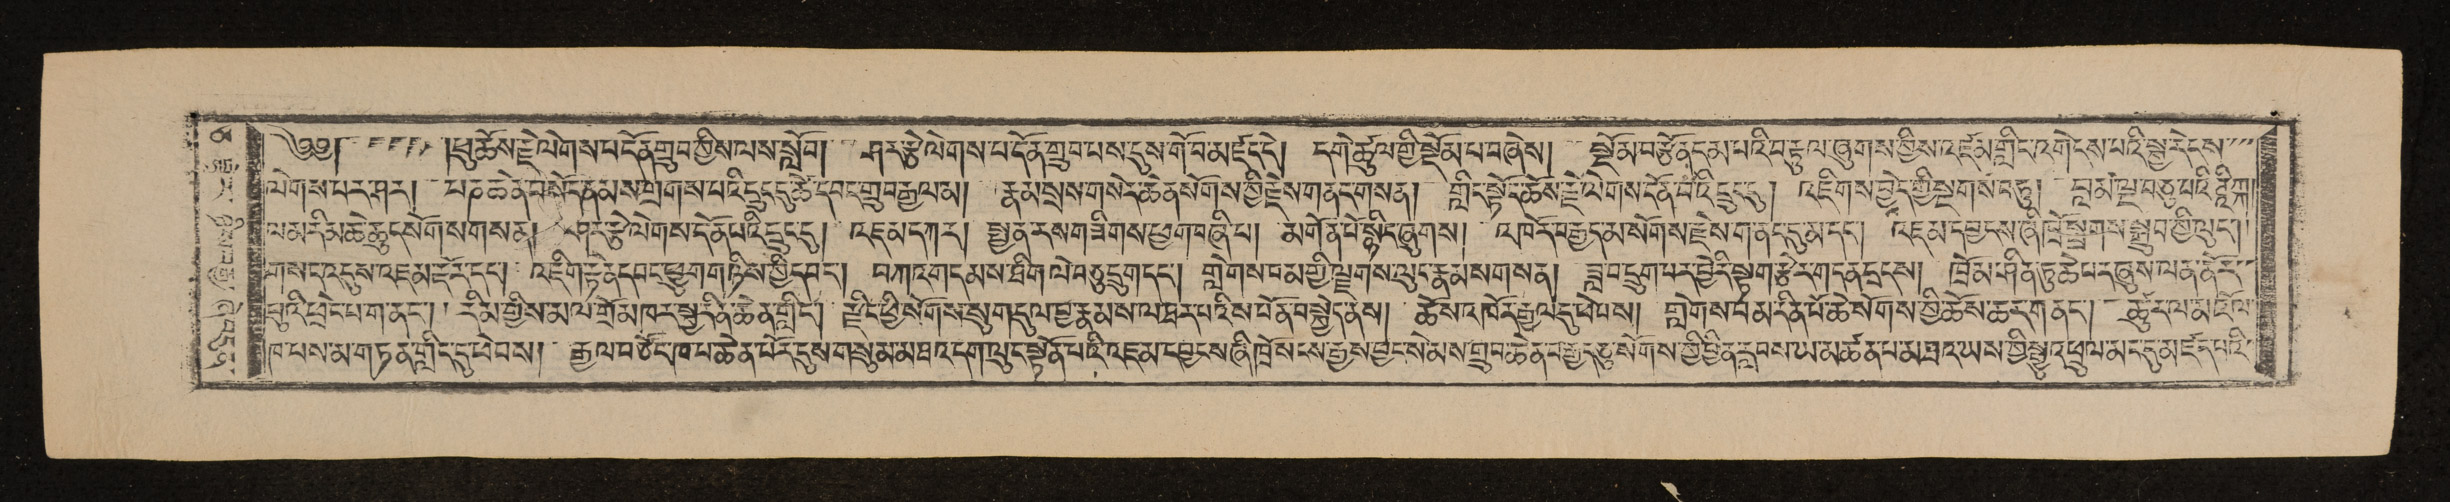༄༅། །ཕུ་ཆོས་རྗེ་ལེགས་པ་དོན་གྲུབ་ཀྱིས་ལས་སློབ། ཤར་རྩེ་ལེགས་པ་དོན་གྲུབ་པས་དུས་གོ་བ་མཛད་དེ། དགེ་ཚུལ་གྱི་སྡོམ་པ་བཞེས། སྡོམ་བརྩོན་དམ་པའི་བརྟུལ་ཞུགས་ཀྱིས་འཛམ་གླིང་འགེངས་པའི་སྐྱ་རེངས་
ལེགས་པར་ཤར། པཎ་ཆེན་བསོད་ནམས་གྲགས་པའི་དྲུང་དུ་ཚེ་དབང་གྲུབ་རྒྱལ་མ། རྣམ་སྲས་གསེར་ཆེན་སོགས་ཀྱི་རྗེས་གནང་གསན། གླིང་སྟོང་ཆོས་རྗེ་ལེགས་དོན་པའི་དྲུང་དུ། འཇིགས་བྱེད་གྱི་སྔགས་བ་ཏུ། བླ་མ་ལྔ་བཅུ་པའི་ཊཱིཀྐ་
ལས་ལམ་རིམ་ཆེ་ཆུང་སོགས་གསན། ཤར་རྩེ་ལེགས་དོན་པའི་དྲུང་དུ། འཇམ་དཀར། སྤྱན་རས་གཟིགས་ཕྱག་བཞི་པ། མགོན་པོ་སྙིང་ཞུགས། འཁོར་བརྒྱད་མ་སོགས་རྗེས་གནང་དུ་མ་དང་། འཇམ་དབྱངས་ཞི་ཁྲོ་སྦྲགས་སྒྲུབ་ཀྱི་ལུང་།
གསང་འདུས་འཇམ་རྡོར་དང་། འཇིག་རྟེན་དབང་ཕྱུག་གཉིས་ཀྱི་དབང་། བཀའ་གདམས་ཐིག་ལེ་བཅུ་དྲུག་དང་། གླེགས་བམ་གྱི་ལྗགས་ལུང་རྣམས་གསན། ཟླ་བ་དྲུག་པར་བྱེ་རི་སྟག་རྩེར་གདན་དྲངས། ཁྲོམ་ཤིན་ཏུ་ཆེ་བར་ཞུས་ལན་ནོར་
བུའི་ཕྲེང་བ་གནང་། རིམ་གྱིས་མལ་གྲོ་མཁར་སྐྱ་རིན་ཆེན་གླིང་། རྫིང་ཕྱི་སོགས་སུ་གདུལ་བྱ་རྣམས་ལ་ཐར་པའི་ས་བོན་བསྐྱེད་ནས། ཆོས་འཁོར་རྒྱལ་དུ་ཕེབས། གླེགས་བམ་རིན་པོ་ཆེ་སོགས་ཀྱི་ཆོས་ཆར་གནང་། ཚུར་ལམ་འོལ་
ཁ་བསམ་གཏན་གླིང་དུ་ཕེབས། རྒྱལ་བ་ཙོང་ཁ་པ་ཆེན་པོར་དུས་གསུམ་མཐའ་དག་ལུང་སྟོན་པའི་འཇམ་དབྱངས་ཞི་ཁྲོ་སངས་རྒྱས་བྱང་སེམས་གྲུབ་ཆེན་བརྒྱད་ཅུ་སོགས་ཀྱི་བྱིན་རླབས་ཡ་མཚན་པ་མཐའ་ཡས་ཀྱི་སྒྱུ་འཕྲུལ་མང་དུ་མཛད་པའི་